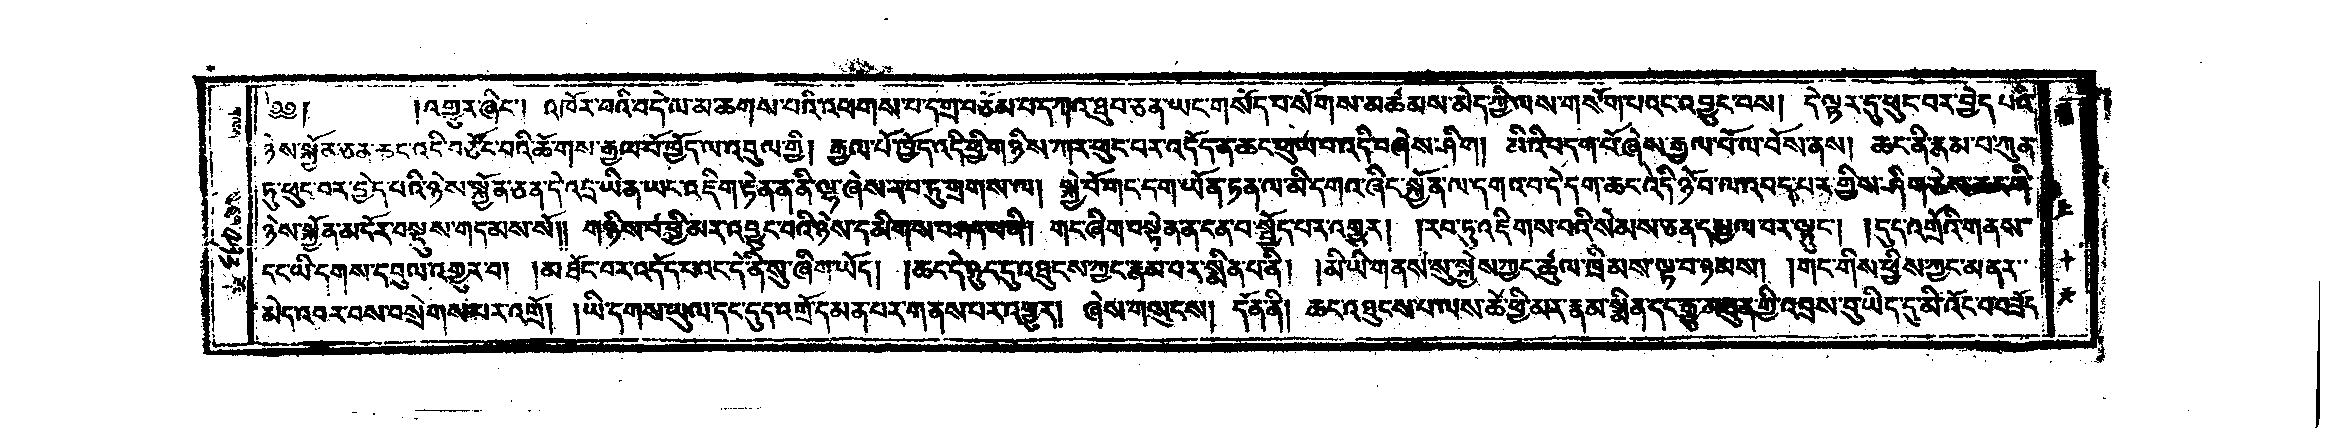༄༅། །འགྱུར་ཞིང་། འཁོར་བའི་བདེ་ལ་མ་ཆགས་པའི་འཕགས་པ་དགྲ་བཅོམ་པ་དཀའ་ཐུབ་ཅན་ཡང་གསོད་པ་སོགས་མཚམས་མེད་ཀྱི་ལས་གསོག་པའང་འབྱུང་བས། དེ་ལྟར་དུ་ཕུང་བར་བྱེད་པའི་
ཉེས་སྐྱོན་ཅན་ཆང་འདི་བཙོང་བའི་ཆོ་གས་རྒྱལ་པོ་ཁྱོད་ལ་འབུལ་གྱི། རྒྱལ་པོ་ཁྱོད་འདི་ཕྱི་གཉིས་ཀར་ཕུང་པར་འདོད་ན་ཆང་ཕུལ་བ་འདི་བཞེས་ཤིག། མིའི་བདག་པོ་ཞེས་རྒྱལ་པོ་ལ་བོས་ནས། ཆང་ནི་རྣམ་པ་ཀུན་
ཏུ་ཕུང་བར་བྱེད་པའི་ཉེས་སྐྱོན་ཅན་དེ་འདྲ་ཡིན་ཡང་འཇིག་རྟེན་ན་ནི་ལྷ་ཞེས་རབ་ཏུ་གྲགས་ལ། སྐྱེ་བོ་གང་དག་ཡོན་ཏན་ལ་མི་དགའ་ཞིང་སྐྱོན་ལ་དགའ་བ་དེ་དག་ཆང་འདི་ཉོ་བ་ལ་འབད་པར་གྱིས་ཤིག་ཅེས་ཆང་གི་
ཉེས་སྐྱོན་མདོར་བསྡུས་གདམས་སོ།། གཉིས་པ་ཕྱི་མར་འབྱུང་བའི་ཉེས་དམིགས་བཤད་པ་ནི། གང་ཞིག་བསྟེན་ན་ངན་པ་སྤྱོད་པར་འགྱུར། །རབ་ཏུ་འཇིགས་པའི་སེམས་ཅན་དམྱལ་བར་ལྟུང་། །དུད་འགྲོའི་གནས་
དང་ཡི་དགས་དབུལ་འགྱུར་བ། །མཐོང་བར་འདོད་པའང་དེ་ནི་སུ་ཞིག་ཡོད། །ཆང་དེ་ཉུང་དུ་འཐུངས་ཀྱང་རྣམ་པར་སྨིན་པ་ནི། །མི་ཡི་གནས་སུ་སྐྱེས་ཀྱང་ཚུལ་ཁྲིམས་ལྟ་བ་ཉམས། །གང་གིས་ཕྱིས་ཀྱང་མནར་
མེད་འབར་བས་བསྲེགས་པར་འགྲོ། །ཡི་དགས་ཡུལ་དང་དུད་འགྲོ་དམན་པར་གནས་པར་འགྱུར། ཞེས་གསུངས། དོན་ནི། ཆང་འཐུངས་པ་ལས་ཚེ་ཕྱི་མར་རྣམ་སྨིན་དང་རྒྱུ་མཐུན་གྱི་འབྲས་བུ་ཡིད་དུ་མི་འོང་བ་བཟོད་